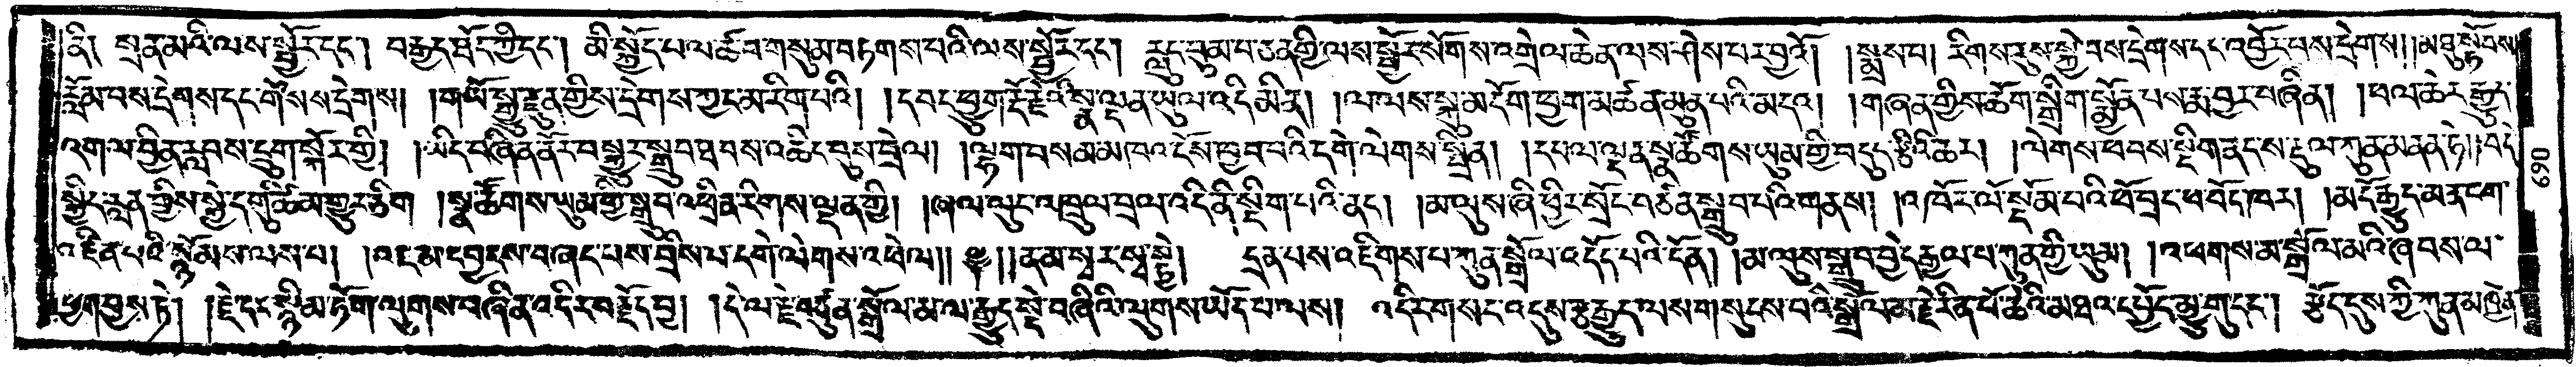ནི༑ སྲན་མའི་ལས་སྦྱོར་དང་། བརྒྱད་ཐོད་ཀྱི་དང་། མི་སྐྱོང་པ་ལ་ཚབ་གསུམ་བཏགས་པའི་ལས་སྦྱོར་དང་། རླུང་བུམ་པ་ཅན་གྱི་ལས་སྦྱོར་སོགས་འགྲེལ་ཆེན་ལས་ཤེས་པར་བྱའོ། །སྨྲས་པ། རིགས་རུས་སྐྱེ་བས་དྲེགས་དང་འབྱོར་པས་དྲེགས། །མཐུ་སྟོབས་
རློམ་པས་དྲེགས་དང་གོས་ས་དྲེགས། །གཡོ་སྒྱུ་རྫུན་གྱིས་དྲེགས་ཀྱང་མ་རིག་པའི། །དབང་ཕྱུག་རྡོ་རྗེའི་སྣ་ལྡན་ཡུལ་འདི་མིན། །ལ་ལས་སྐུ་མདོག་ཕྱག་མཚན་མུན་པའི་མདའ། །གཞན་གྱིས་ཆོག་སྒྲིག་སྨྱོན་པས་རྨ་བྱར་བཞིན། །ཕལ་ཆེར་རྒྱུད་
འགལ་བྱིན་རླབས་དྲུག་སྐོར་གྱི། །ཡིད་བཞིན་ནོར་བསྐྱུར་སྒྲུབ་ཐབས་འཆིང་བུས་བྲེལ། །ལྷག་བསམ་མཁའ་ངོས་ཁྱབ་པའི་དགེ་ལེགས་སྤྲིན། །དཔལ་ལྡན་སྣ་ཚོགས་ཡུམ་གྱི་བདུད་རྩིའི་ཆར། །ལེགས་ཕབས་སྡིག་ནད་ས་རྡུལ་ཀུན་མནན་ཏེ། །བདེ་
སྐྱིད་རླན་གྱིས་སྐྱེ་དགུ་ཚིམ་གྱུར་ཅིག །སྣ་ཚོགས་ཡུམ་གྱི་སྒྲུབ་འཕྲིན་རིགས་ལྡན་གྱི། །ཞལ་ལུང་འཁྲུལ་བྲལ་འདི་ནི་སྡིག་པའི་ནང་། །མ་ལུས་ཞི་ཕྱིར་སྲོང་བཙན་སྒྲུབ་པའི་གནས། །འཁོར་ལོ་སྔོམ་པའི་ཕོ་བྲང་ཕ་?བོང་ཁར། །མདོ་རྒྱུད་མན་ངག་
འཛིན་པའི་སྙོམས་ལས་པ། །འཇམ་དབྱངས་བཞད་པས་བྲིས་པ་དགེ་ལེགས་འཕེལ།། ༈།།ན་མ་སྭ་ར་སྭ་སྟྱེ། དྲན་པས་འཇིགས་པ་ཀུན་སྒྲོལ་འདོད་པའི་དོན། །མ་ལུས་སྒྲུབ་བྱེད་རྒྱལ་བ་ཀུན་གྱི་ཡུམ། །འཕགས་མ་སྒྲོལ་མའི་ཞབས་ལ་
ཕྱག་བྱས་ཏེ། །རྗེ་དང་སྙིམ་ཏོག་ལུགས་བཞིན་འདིར་བརྗོད་བྱ། །དེ་ལ་རྗེ་བཙུན་སྒྲེལ་མ་ལ་སྡེ་བཞིའི་ལུགས་ཡོད་པ་ལས། འདིར་གསང་འདུས་རྩ་རྒྱུད་ལས་གསུངས་པའི་སྒྲོལ་མ་རྗེ་རིན་པོ་ཆེའི་མཐའ་དཔྱོད་མྱུ་གུ་དང་། རྩོད་དུས་ཀྱི་ཀུན་མཁྱེན་